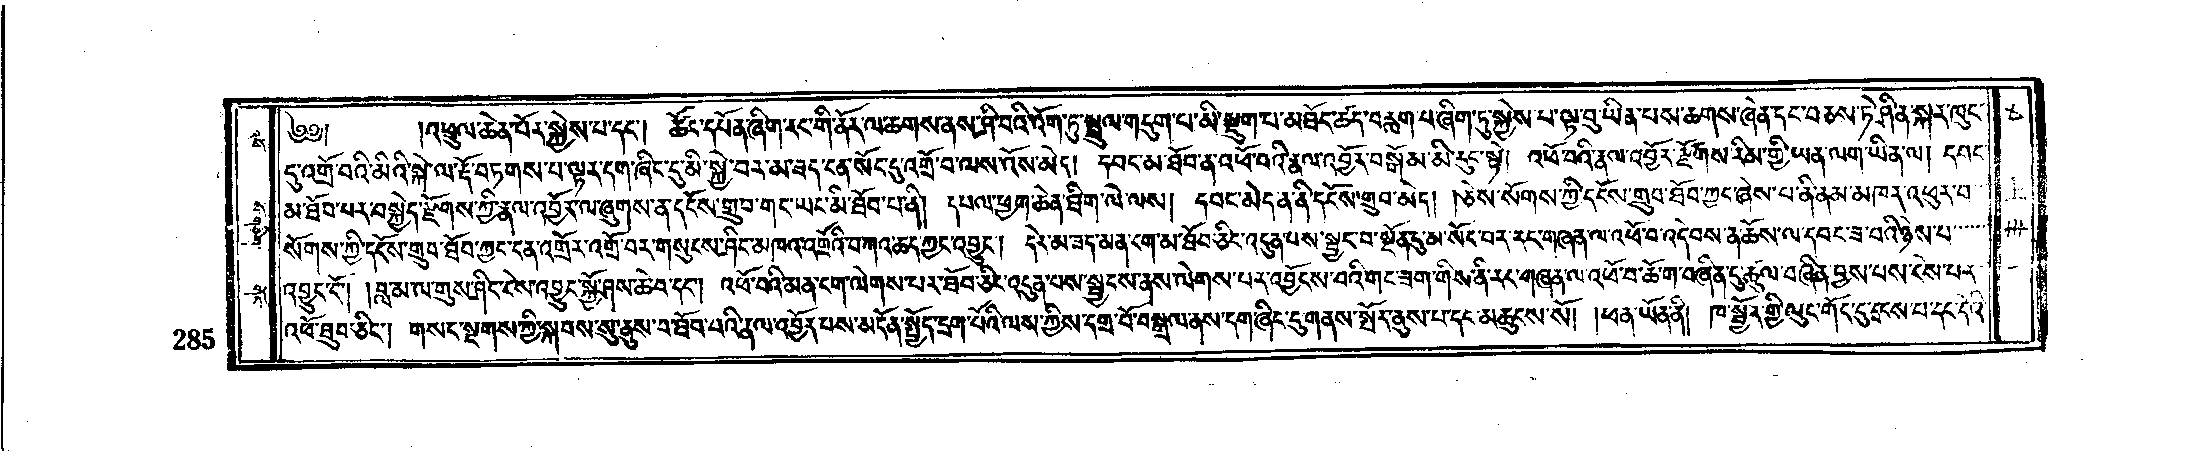༄༅། །འཕྲུལ་ཆེན་པོར་སྐྱེས་པ་དང་། ཚོང་དཔོན་ཞིག་རང་གི་ནོར་ལ་ཆགས་ནས་ཤི་བའི་འོག་ཏུ་སྦྲུལ་གདུག་པ་མི་སྡུག་པ་མཐོང་ཚད་བརླག་པ་ཞིག་ཏུ་སྐྱེས་པ་ལྟ་བུ་ཡིན་པས་ཆགས་ཞེན་དང་བཅས་ཏེ་ཤིན་སྐར་ཁུང་
དུ་འགྲོ་བའི་མིའི་སྐེ་ལ་རྡོ་བཏགས་པ་ལྟར་དག་ཞིང་དུ་མི་སྐྱེ་བར་མ་ཟད་ངན་སོང་དུ་འགྲོ་བ་ལས་འོས་མེད། དབང་མ་ཐོབ་ན་འཕོ་བའི་རྣལ་འབྱོར་བསྒོམ་མི་རུང་སྟེ། འཕོ་བའི་རྣལ་འབྱོར་རྫོགས་རིམ་གྱི་ཡན་ལག་ཡིན་ལ། དབང་
མ་ཐོབ་པར་བསྐྱེད་རྫོགས་ཀྱི་རྣལ་འབྱོར་ལ་ཞུགས་ན་དངོས་གྲུབ་གང་ཡང་མི་ཐོབ་པ་ནི། དཔལ་ཕྱག་ཆེན་ཐིག་ལེ་ལས། དབང་མེད་ན་ནི་དངོས་གྲུབ་མེད། །ཅེས་སོགས་ཀྱི་དངོས་གྲུབ་ཐོབ་ཀྱང་ཞེས་པ་ནི་ནམ་མཁར་འཕུར་བ་
སོགས་ཀྱི་དངོས་གྲུབ་ཐོབ་ཀྱང་ངན་འགྲོར་འགྲོ་བར་གསུངས་ཤིང་མཁའ་འགྲོའི་བཀའ་ཆད་ཀྱང་འབྱུང་། དེར་མ་ཟད་མན་ངག་མ་ཐོབ་ཅིང་འདུན་པས་སྦྱང་བ་སྔོན་དུ་མ་སོང་བར་རང་གཞན་ལ་འཕོ་བ་འདེབས་ན་ཆོས་ལ་དབང་ཟ་བའི་ཉེས་པ་
འབྱུང་ངོ། །བླ་མ་ལ་གུས་ཤིང་ངེས་འབྱུང་སྐྱོ་ཤས་ཆེ་བ་དང་། འཕོ་བའི་མན་ངག་ལེགས་པར་ཐོབ་ཅིང་འདུན་པས་སྦྱངས་ནས་ལེགས་པར་འབྱོངས་པའི་གང་ཟག་གིས་ནི་རང་གཞན་ལ་འཕོ་བ་ཆོ་ག་བཞིན་དུ་ཚུལ་བཞིན་བྱས་པས་ངེས་པར་
འཕོ་ཐུབ་ཅིང་། གསང་སྔགས་ཀྱི་སྐབས་སུ་ནུས་པ་ཐོབ་པའི་རྣལ་འབྱོར་པས་མངོན་སྤྱོད་དྲག་པོའི་ལས་ཀྱིས་དགྲ་བོ་བསྒྲལ་ནས་དག་ཞིང་དུ་གནས་སྤོར་ནུས་པ་དང་མཚུངས་སོ། །ཕན་ཡོན་ནི། ཁ་སྦྱོར་གྱི་ལུང་གོང་དུ་དྲངས་པ་དང་དེའི་